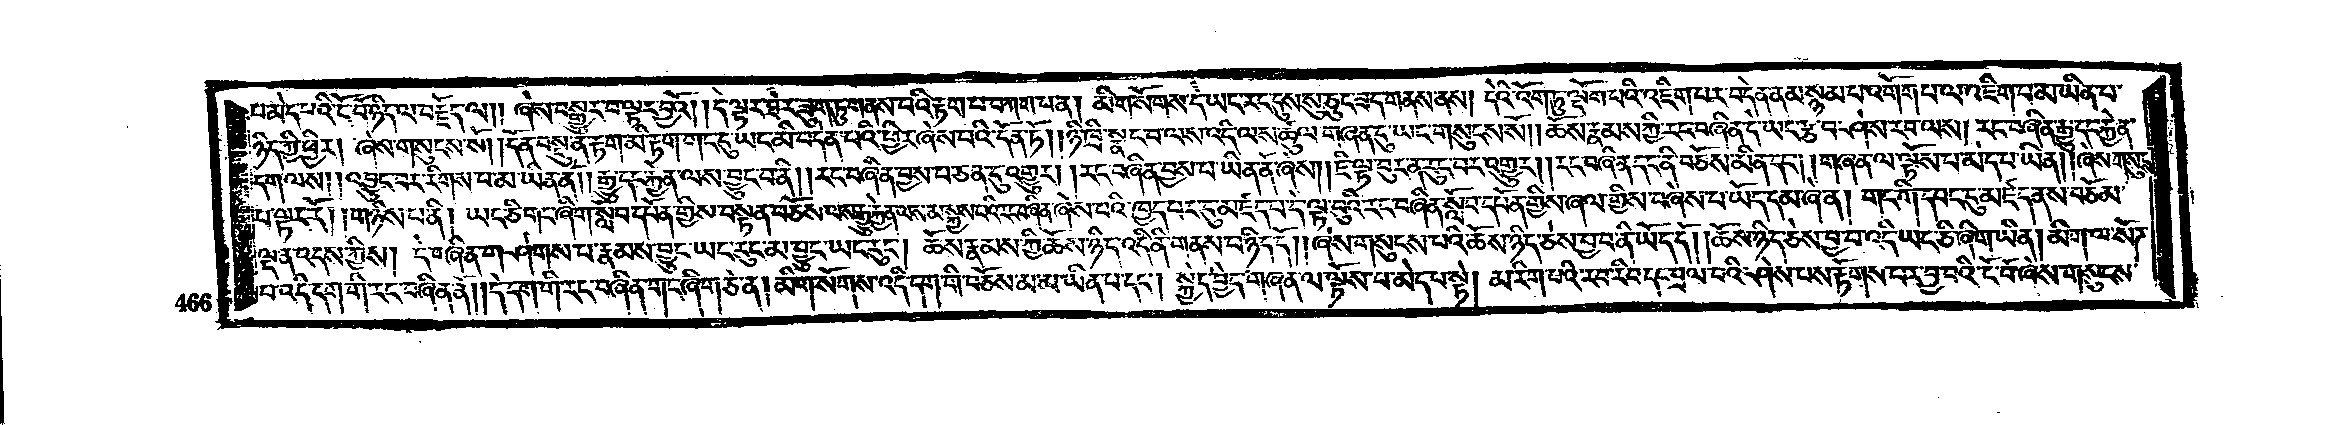པ་མེད་པའི་ངོ་བོ་ཉིད་ལ་བརྗོད་ལ། །ཞེས་བསྒྱུར་བ་ལྟར་བྱའོ། །ད་ལྟར་ཐེར་ཟུག་ཏུ་གནས་པའི་རྟག་པ་བཀག་པ་ན། མིག་སོགས་དེ་ཡང་རང་དུས་སུ་ཅུང་ཟད་གནས་ནས། དེའི་འོག་ཏུ་ལྡོག་པའི་འཇིག་པར་བདེན་ནམ་སྙམ་པ་འགོག་པ་ལ་འཇིག་པ་མ་ཡིན་པ་
ཉིད་ཀྱི་ཕྱིར། ཞེས་གསུངས་སོ། །དོན་བསྡུ་ན་རྟག་མི་རྟག་གང་དུ་ཡང་མི་བདེན་པའི་ཕྱིར་ཞེས་པའི་དོན་ཏོ། །ཉི་ཁྲི་སྣང་བ་ལས་འདི་ལས་ཚུལ་གཞན་དུ་ཡང་གསུངས་སོ། །ཆོས་རྣམས་ཀྱི་རང་བཞིན་དེ་ཡང་རྩ་བ་ཤེས་རབ་ལས། རང་བཞིན་རྒྱ་དང་རྐྱེན་
དག་ལས། །འབྱུང་བར་རིགས་པ་མ་ཡིན་ནོ། །རྒྱུ་དང་རྐྱེན་ལས་བྱུང་བ་ནི། །རང་བཞིན་བྱས་པ་ཅན་དུ་འགྱུར། །རང་བཞིན་བྱས་པ་ཡིན་ནོ་ཞེས། །ཇི་ལྟ་བུར་ན་རུང་བར་འགྱུར། །རང་བཞིན་དང་ནི་བཅོས་མིན་དང་། །གཞན་ལ་ལྟོས་པ་མེད་པ་ཡིན། །ཞེས་གསུངས་
པ་ལྟར་རོ། །གཉིས་པ་ནི། ཡང་ཅི་གང་ཞིག་སློབ་དཔོན་གྱིས་བསྟན་བཅོས་ལས་རྒྱུ་རྐྱེན་ལས་མ་སྐྱེས་པའི་རང་བཞིན་ཞེས་པའི་ཁྱད་པར་དུ་མཛད་པ་དེ་ལྟ་བུའི་རང་བཞིན་སློབ་དཔོན་གྱིས་ཞལ་གྱིས་བཞེས་པ་ཡོད་དམ་ཞེ་ན། གང་གི་དབང་དུ་མཛད་ནས་བཅོམ་
ལྡན་འདས་ཀྱིས། དེ་བཞིན་གཤེགས་པ་རྣམས་བྱུང་ཡང་རུང་མ་བྱུང་ཡང་རུང་། ཆོས་རྣམས་ཀྱི་ཆོས་ཉིད་འདི་ནི་གནས་པ་ཉིད་དོ། །ཞེས་གསུངས་པའི་ཆོས་ཉིད་ཅེས་བྱ་བ་ནི་ཡོད་དོ། །ཆོས་ཉིད་ཅེས་བྱ་བ་འདི་ཡང་ཅི་ཞིག་ཡིན། མིག་ལ་སོགས་
པ་འདི་དག་གི་རང་བཞིན་ནོ། །དེ་དག་གི་རང་བཞིན་གང་ཞིག་ཅེ་ན། མིག་སོགས་འདི་དག་གི་བཅོས་མ་མ་ཡིན་པ་དང་། སྐྱེད་བྱེད་གཞན་ལ་ལྟོས་པ་མེད་པ་སྟེ། མ་རིག་པའི་རབ་རིབ་དང་བྲལ་བའི་ཤེས་པས་རྟོགས་པར་བྱ་བའི་ངོ་བོ་ཞེས་གསུངས་